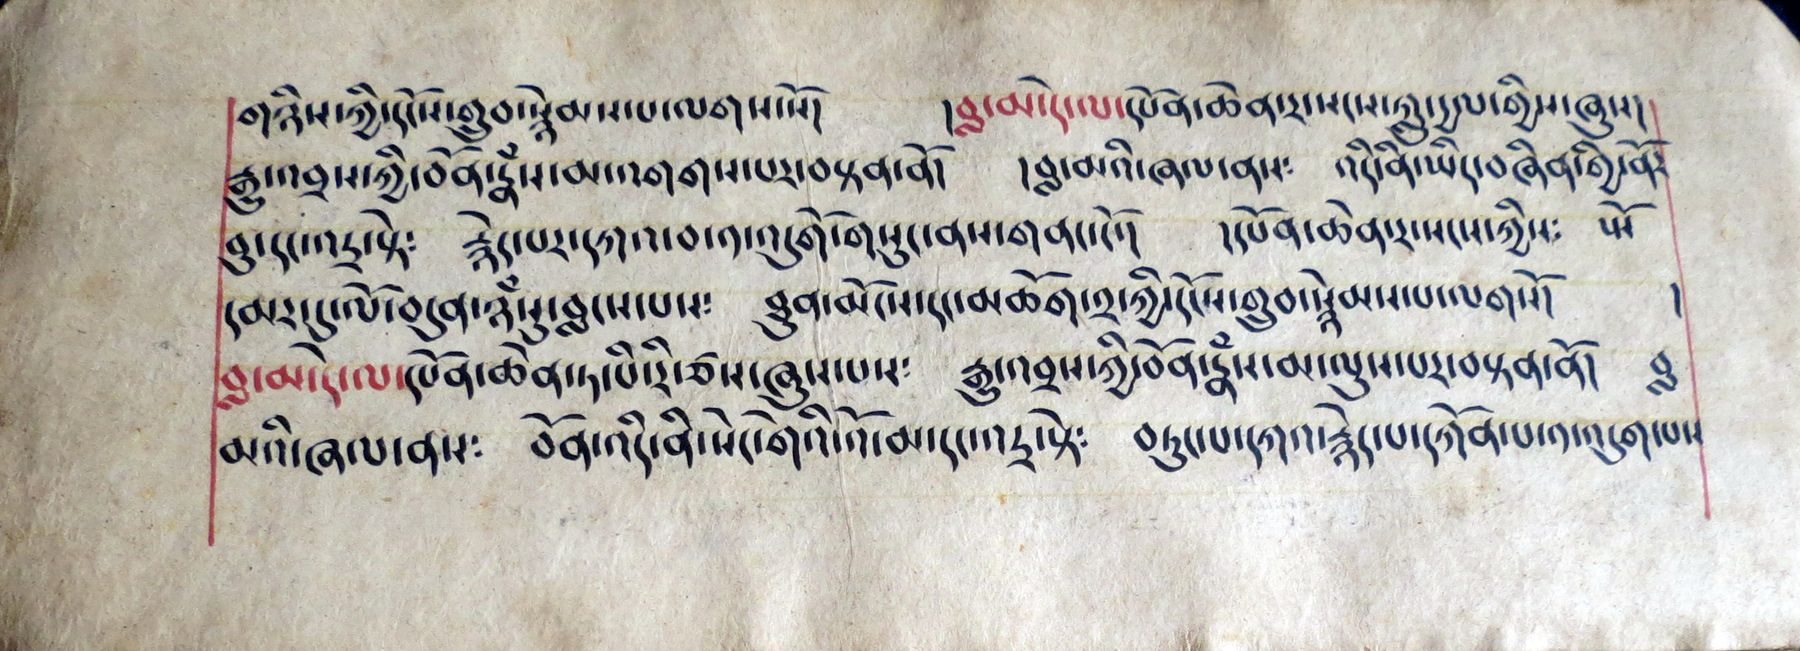གཉིས་ཀྱི་དངོས་གྲུབ་བསྙེམས་པ་ལགས་སོ། །བླ་མ་དེ་ལ་དཔོན་ཆེན་ར་སངས་ཀླུ་རྒྱལ་གྱིས་ཞུས། 
རྒྱུ་འབྲས་ཀྱི་བོན་རྣམས་མ་འགག་པར་བསྟན་ནོ། བླ་མའི་ཞལ་ནས། འདི་ནི་ཡིད་བཞིན་གྱི་ནོར་
བུ་དང་འདྲ་སྟེ། རྙེད་པར་དཀའ་བ་ཅིག་འདུག་གོ་གསུངས་ནས་གནང་ངོ། །དཔོན་ཆེན་ར་སངས་ཀྱིས། སྤོ་
དམར་དུ་ལོ་བདུན་ཉམས་སུ་བླངས་པས། ཐུན་མོང་དང་མཆོག་གཉིས་ཀྱི་དངོས་གྲུབ་བསྙེམས་པ་ལགས་སོ། །
བླ་མ་དེ་ལ་དཔོན་ཆེན་ཏ་པི་རི་ཙས་ཞུས་པས། རྒྱུ་འབྲས་ཀྱི་བོན་རྣམས་མ་ལུས་པར་བསྟན་ནོ། བླ་
མ་དེའི་ཞལ་ནས། བོན་འདི་ནི་སེང་གེའི་འོ་མ་དང་འདྲ་སྟེ། བཏུང་བ་དཀའ་ཞིང་རྙེད་པ་དཀོན་པ་ཅིག་འདུག་པས།